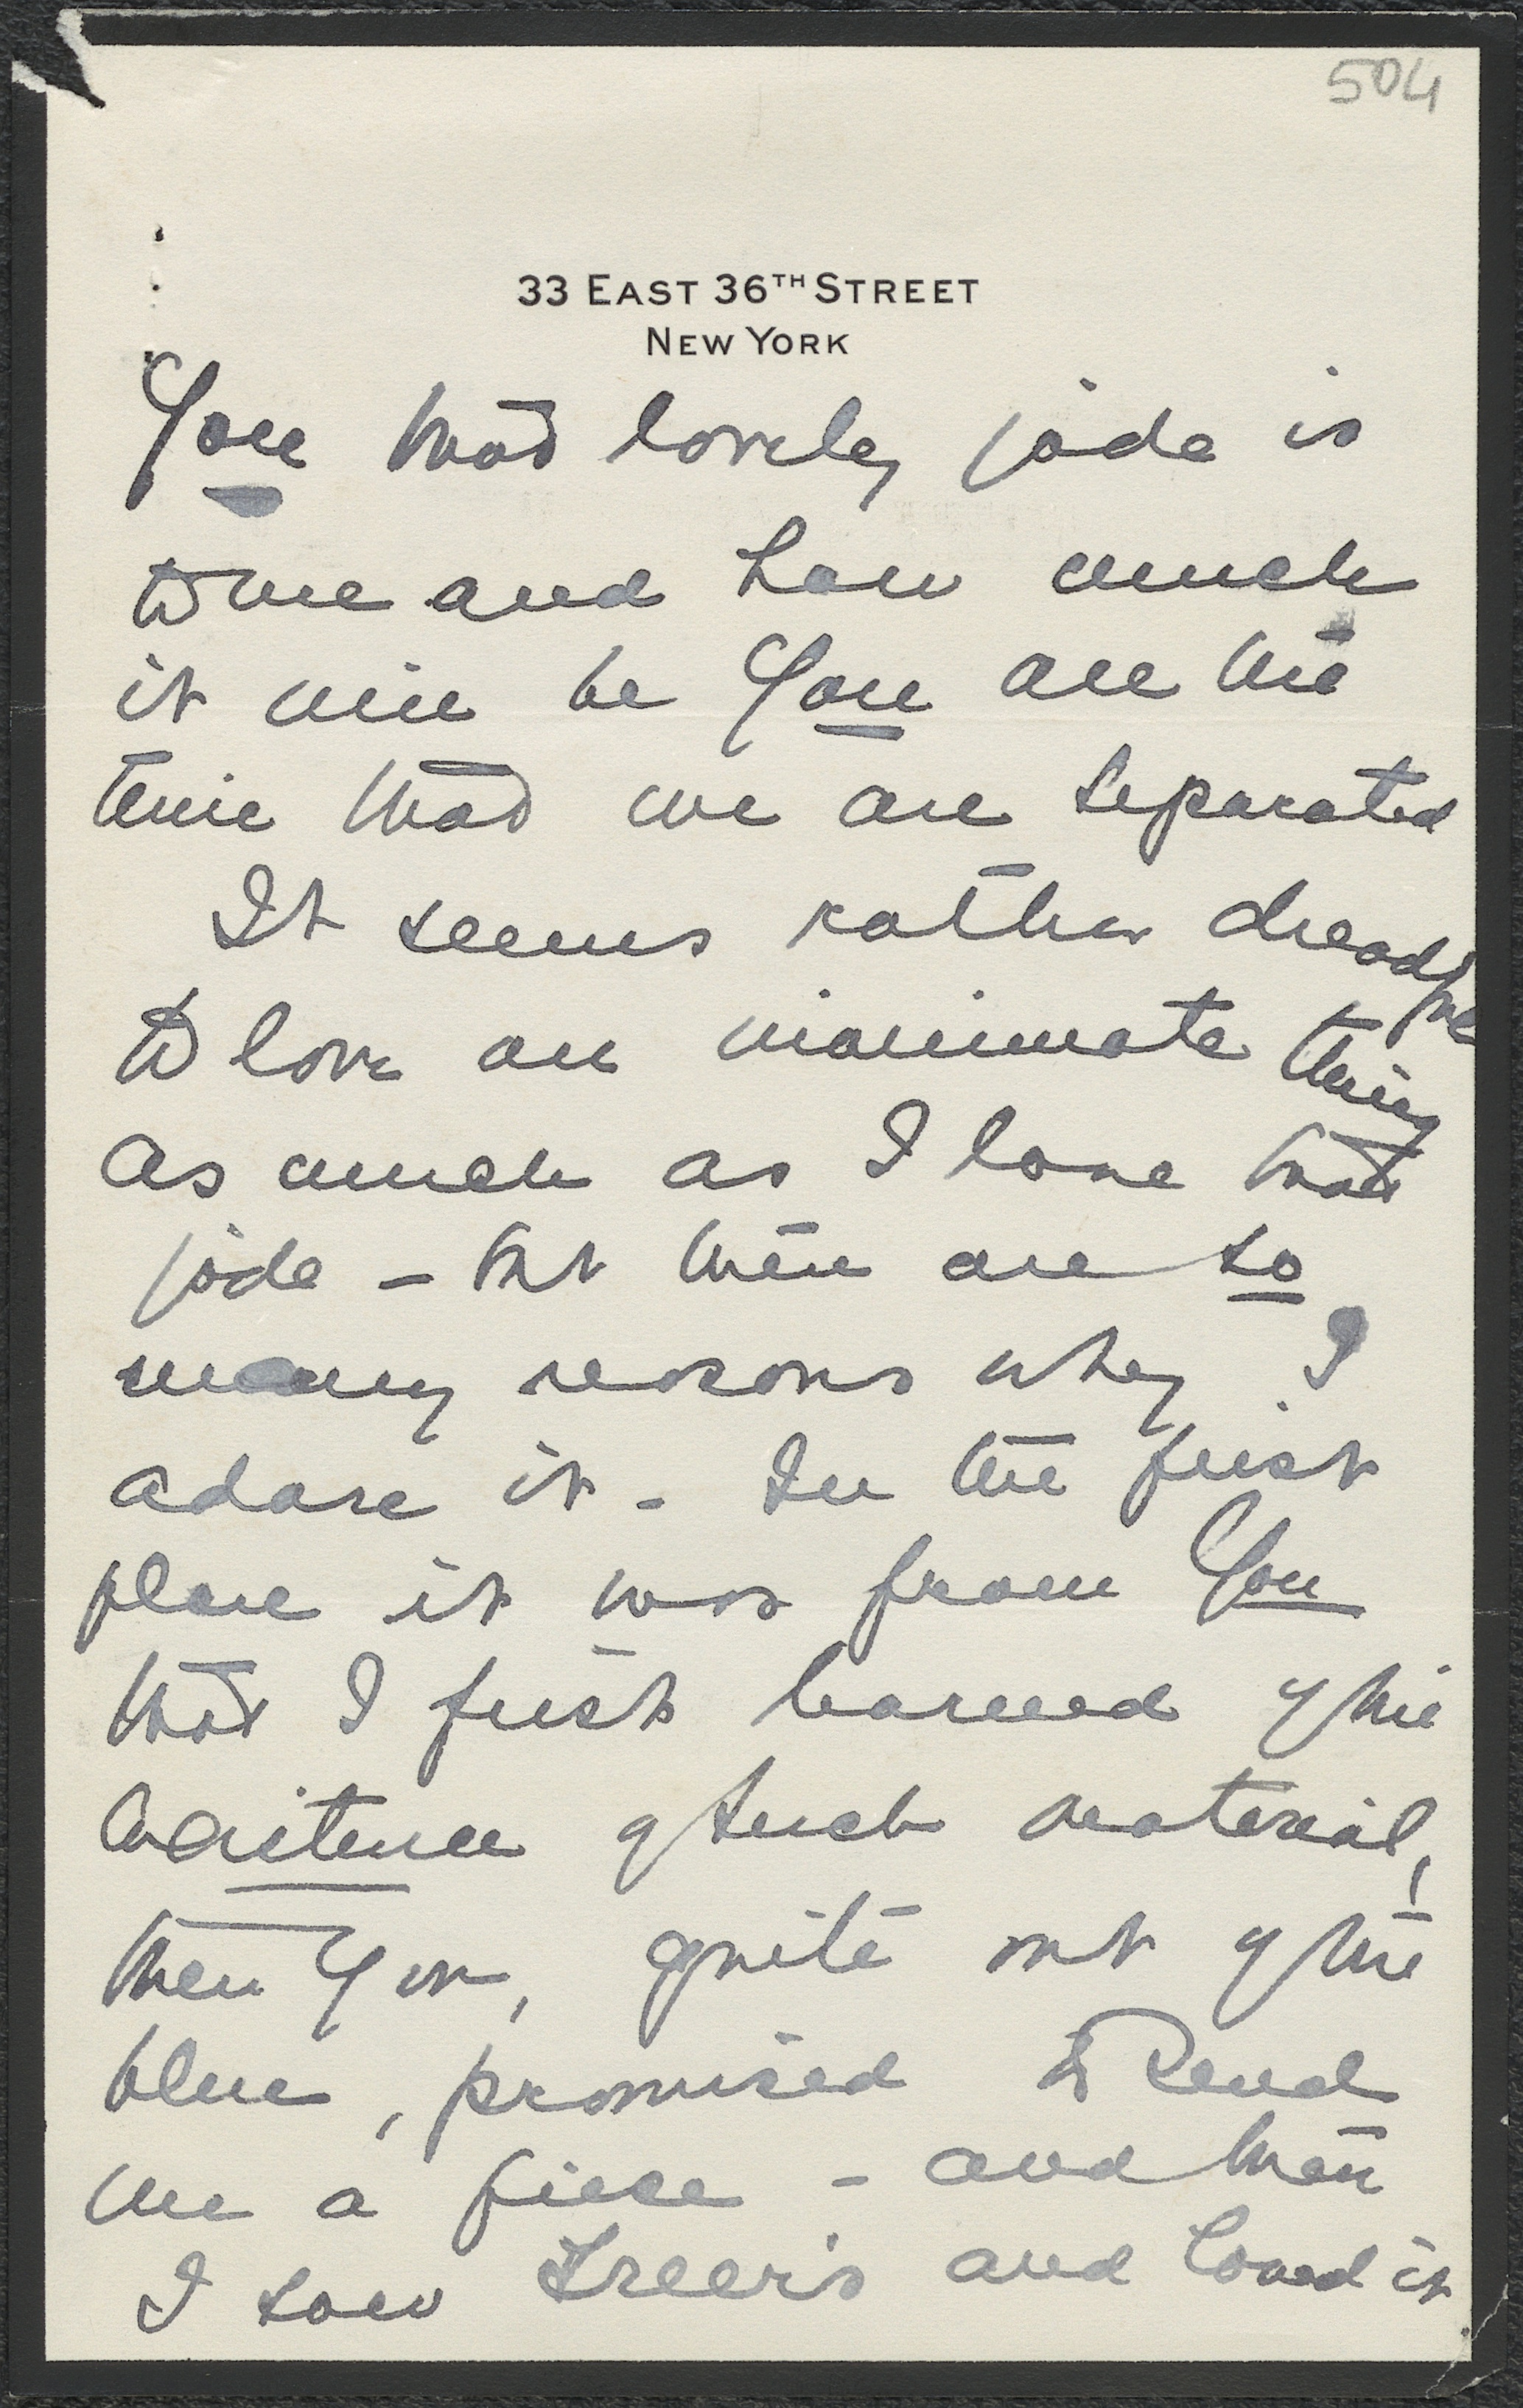You that lovely jade is to me and how much it will be You all the time that we are separated
It seems rather dreadful to love an inanimate thing as much as I love that jade – but there are so many reasons why I adore it – In the first place it was from You that I first learned of the existence of such material, then You, quite out of the blue, promised to send me a piece – and then I saw Freer’s and loved it